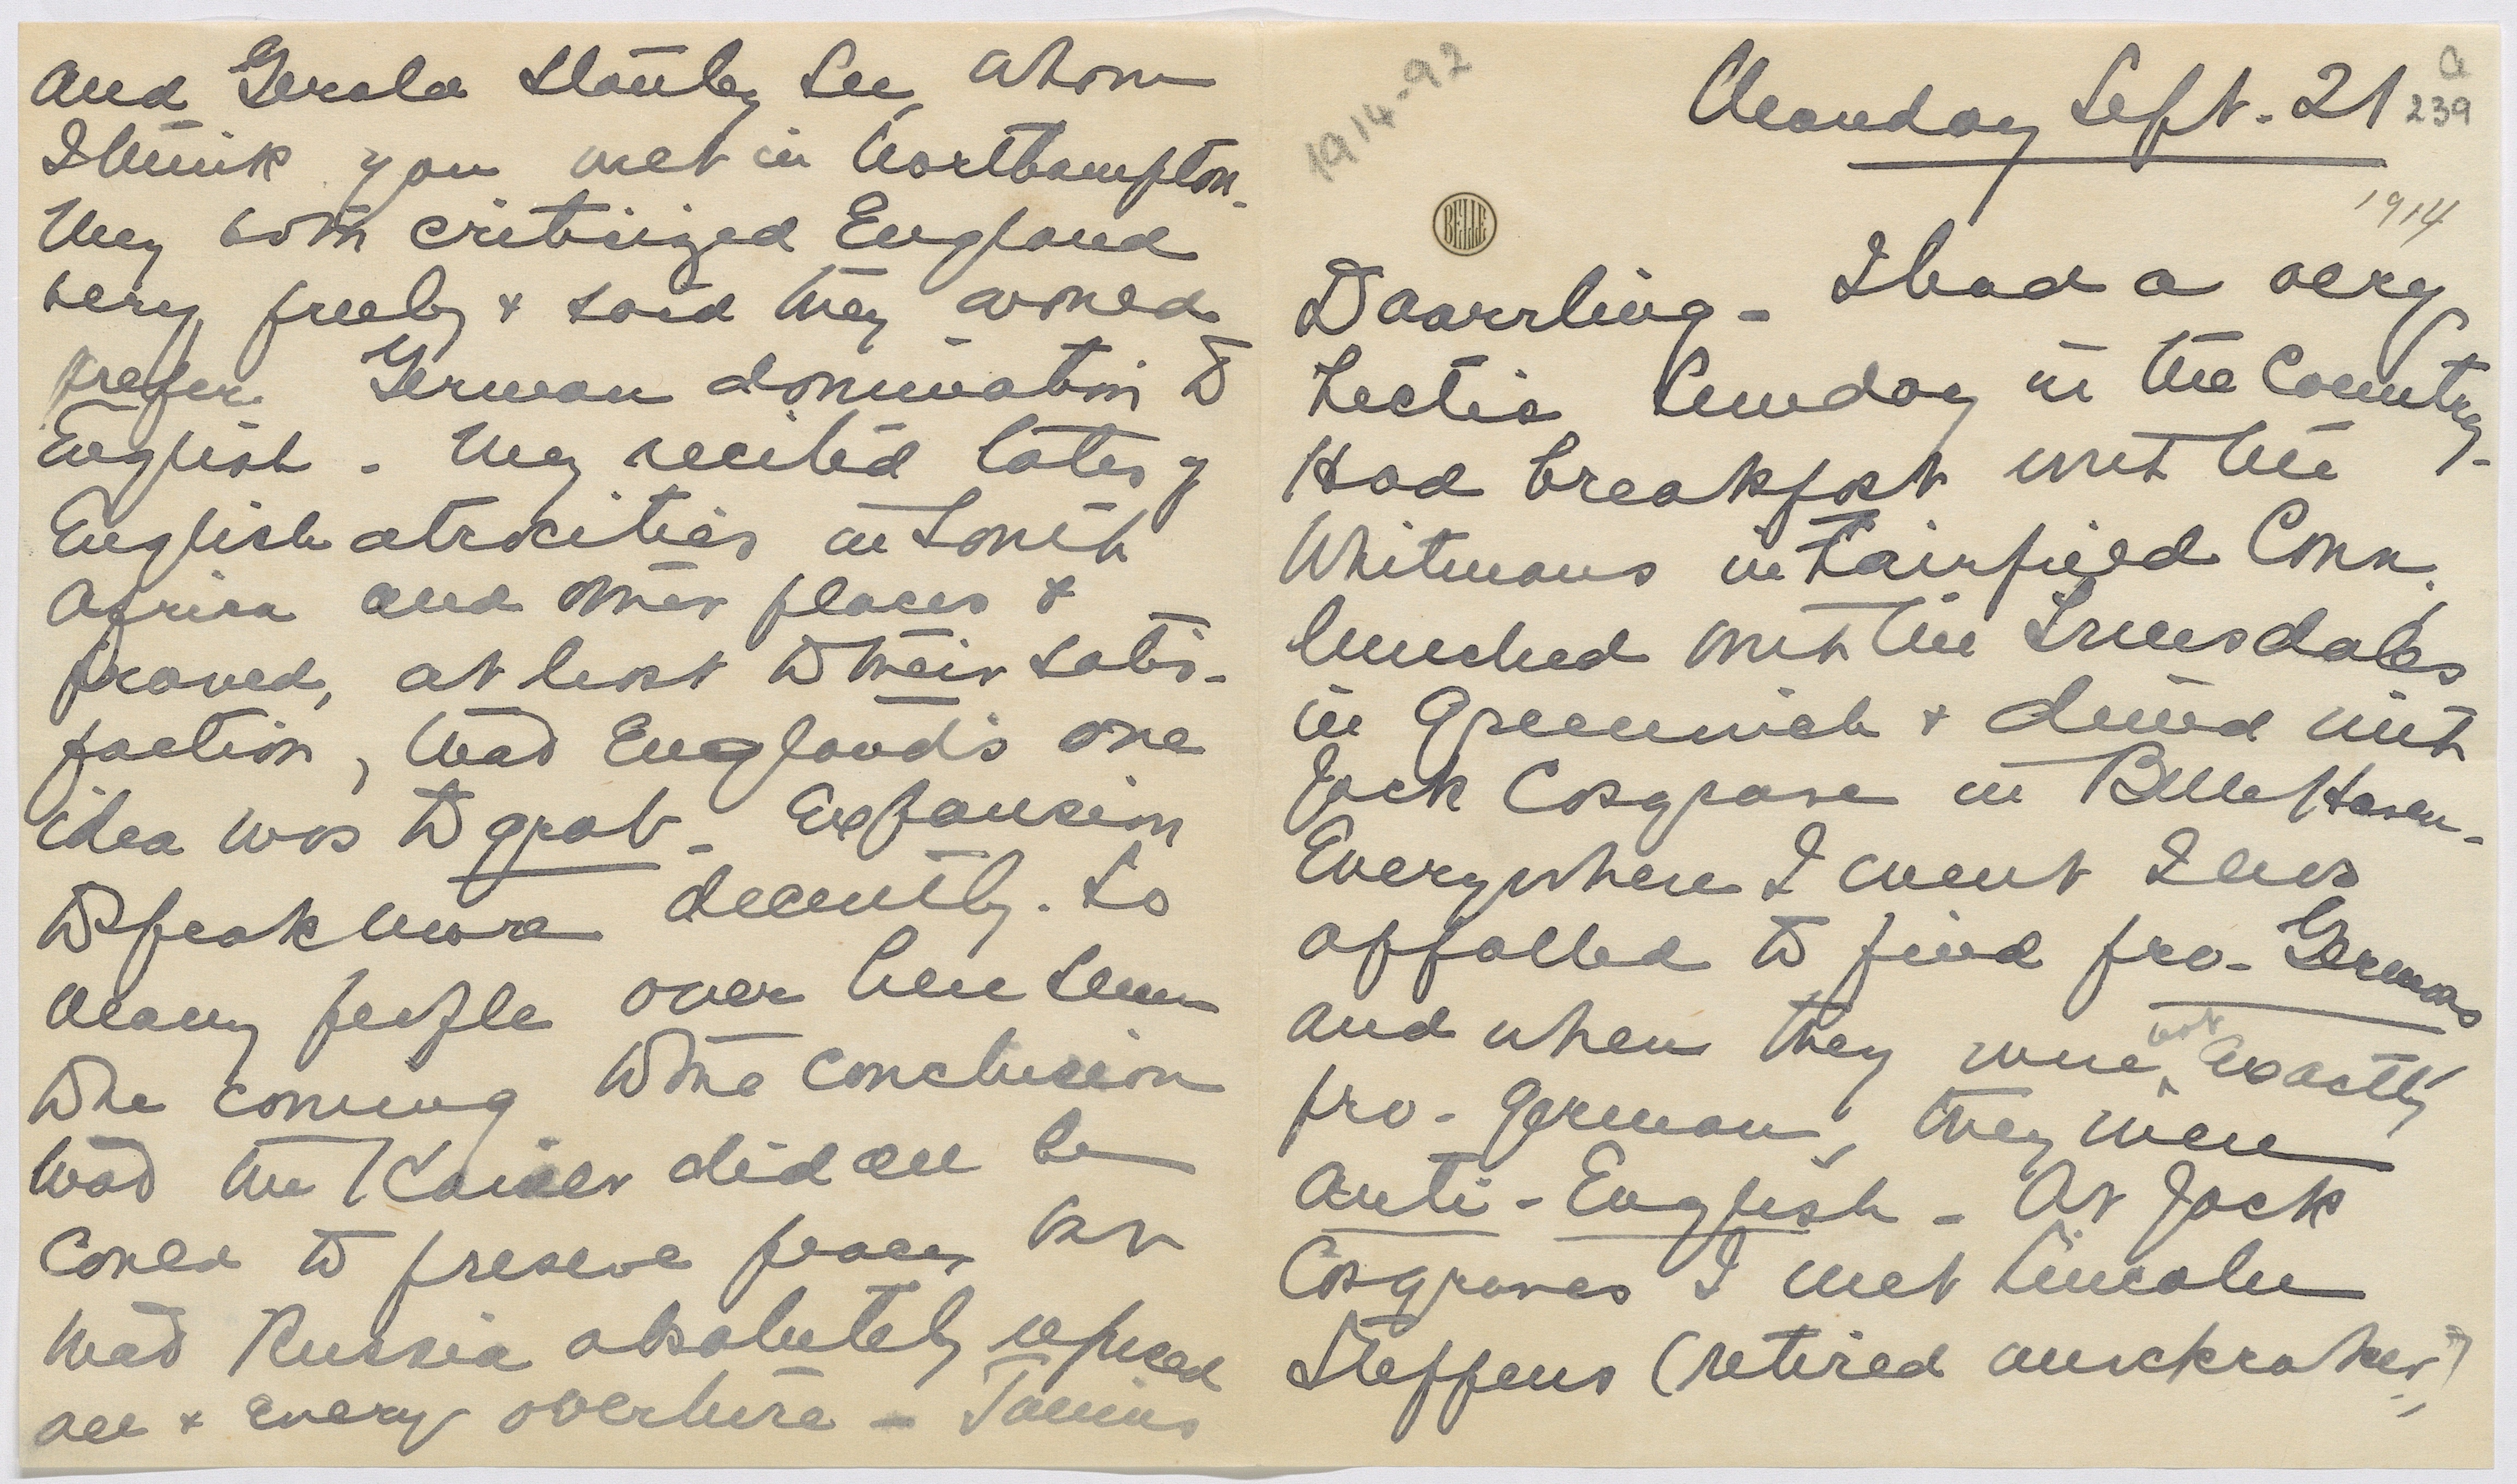Monday Sept. 21
Daarrling – I had a very hectic Sunday in the country – Had breakfast with the Whitmans in Fairfield Conn. lunched with the Truesdale’s in Greenwich & dined with Jack Cosgrave in Belle Haven – Everywhere I went I was appalled to find pro-Germans and when they were [^not^] exactly pro-German they were anti-English – at Jack Cosgraves I met Lincoln Steffens (retired muckracker)
and Gerald Stanley Lee, whom I think you met in Northampton [sic]. They both criticized England very freely & said they would prefer German domination to English – they recited tales of English atrocities in South Africa and other places & proved, at least to their satisfaction, that England’s one idea was to grab – expansion to speak more decently – so many people over here seem to be coming to the conclusion that the Kaiser did all he could to preserve peace but that Russia absolutely refused all & every overture – Junius